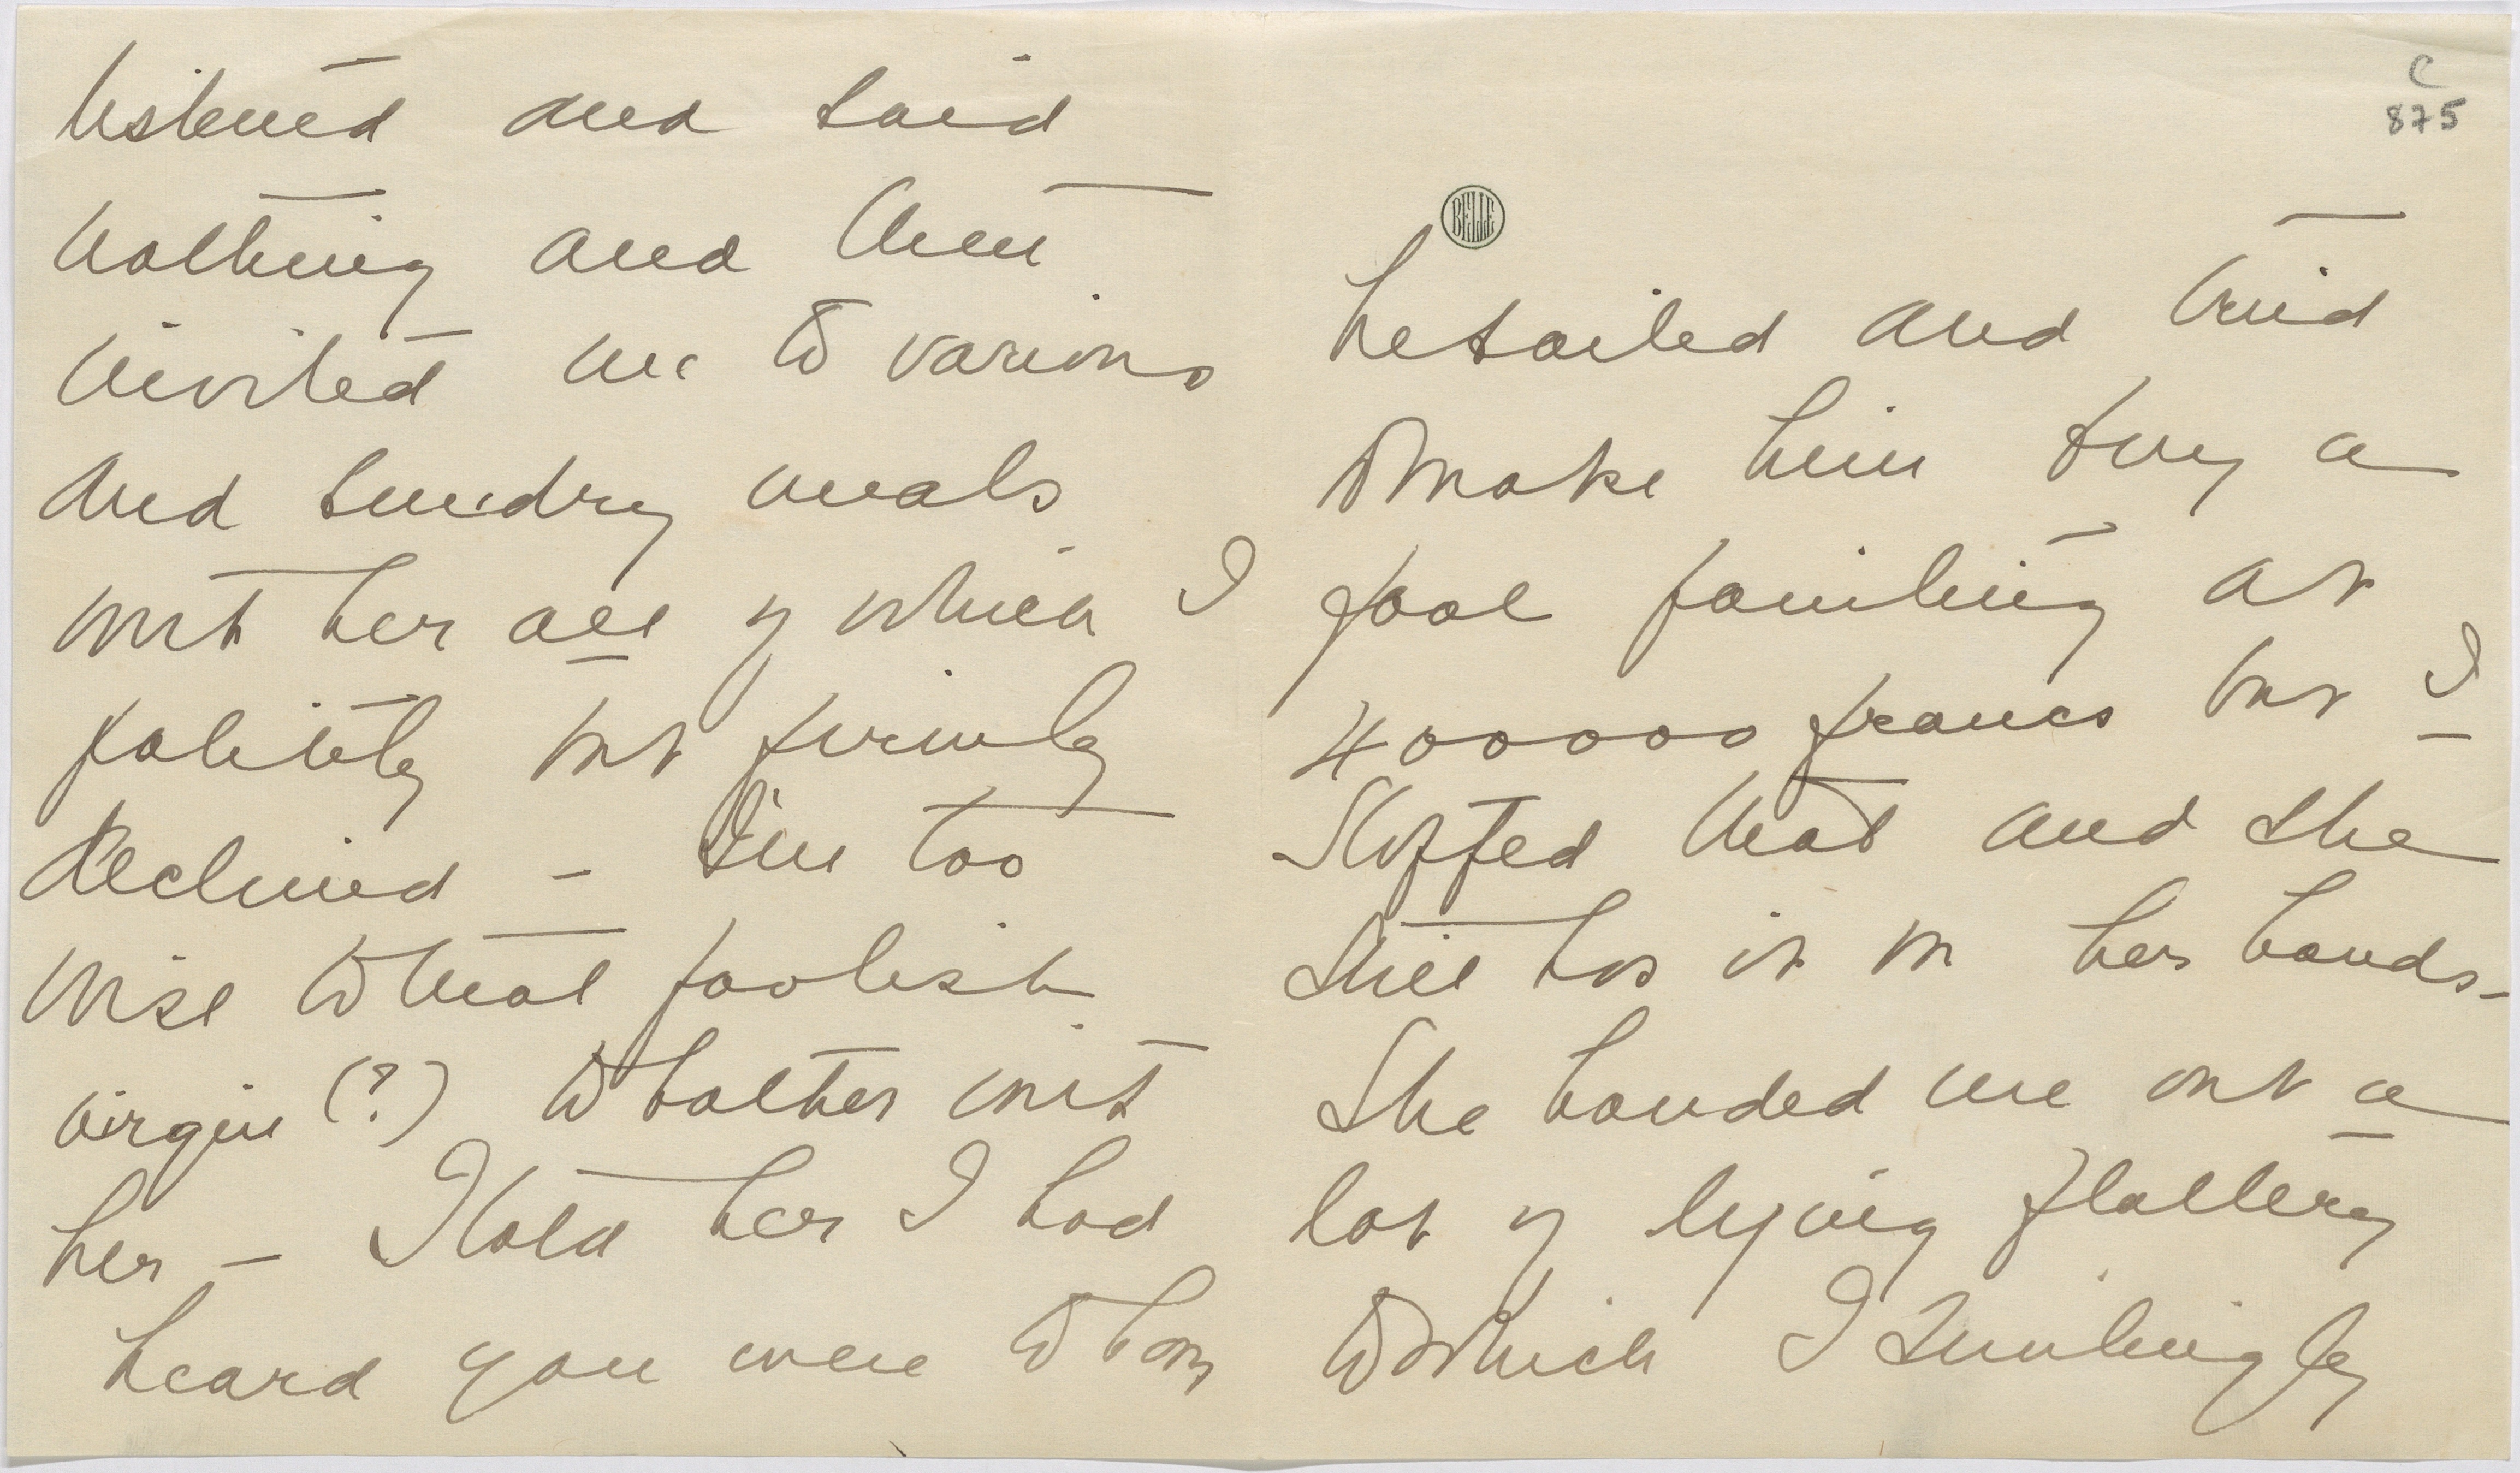he sailed and tried to make him buy a fool painting at 400,000 francs but I stopped that and she still has it in her hands – She handed me out a lot of lying flattery to which I smilingly
listened and said nothing and then invited me to various and sundry meals with her all of which I politely but firmly declined – I’m too wise to that foolish virgin (?) to bother with her – I told her I had heard you were to have